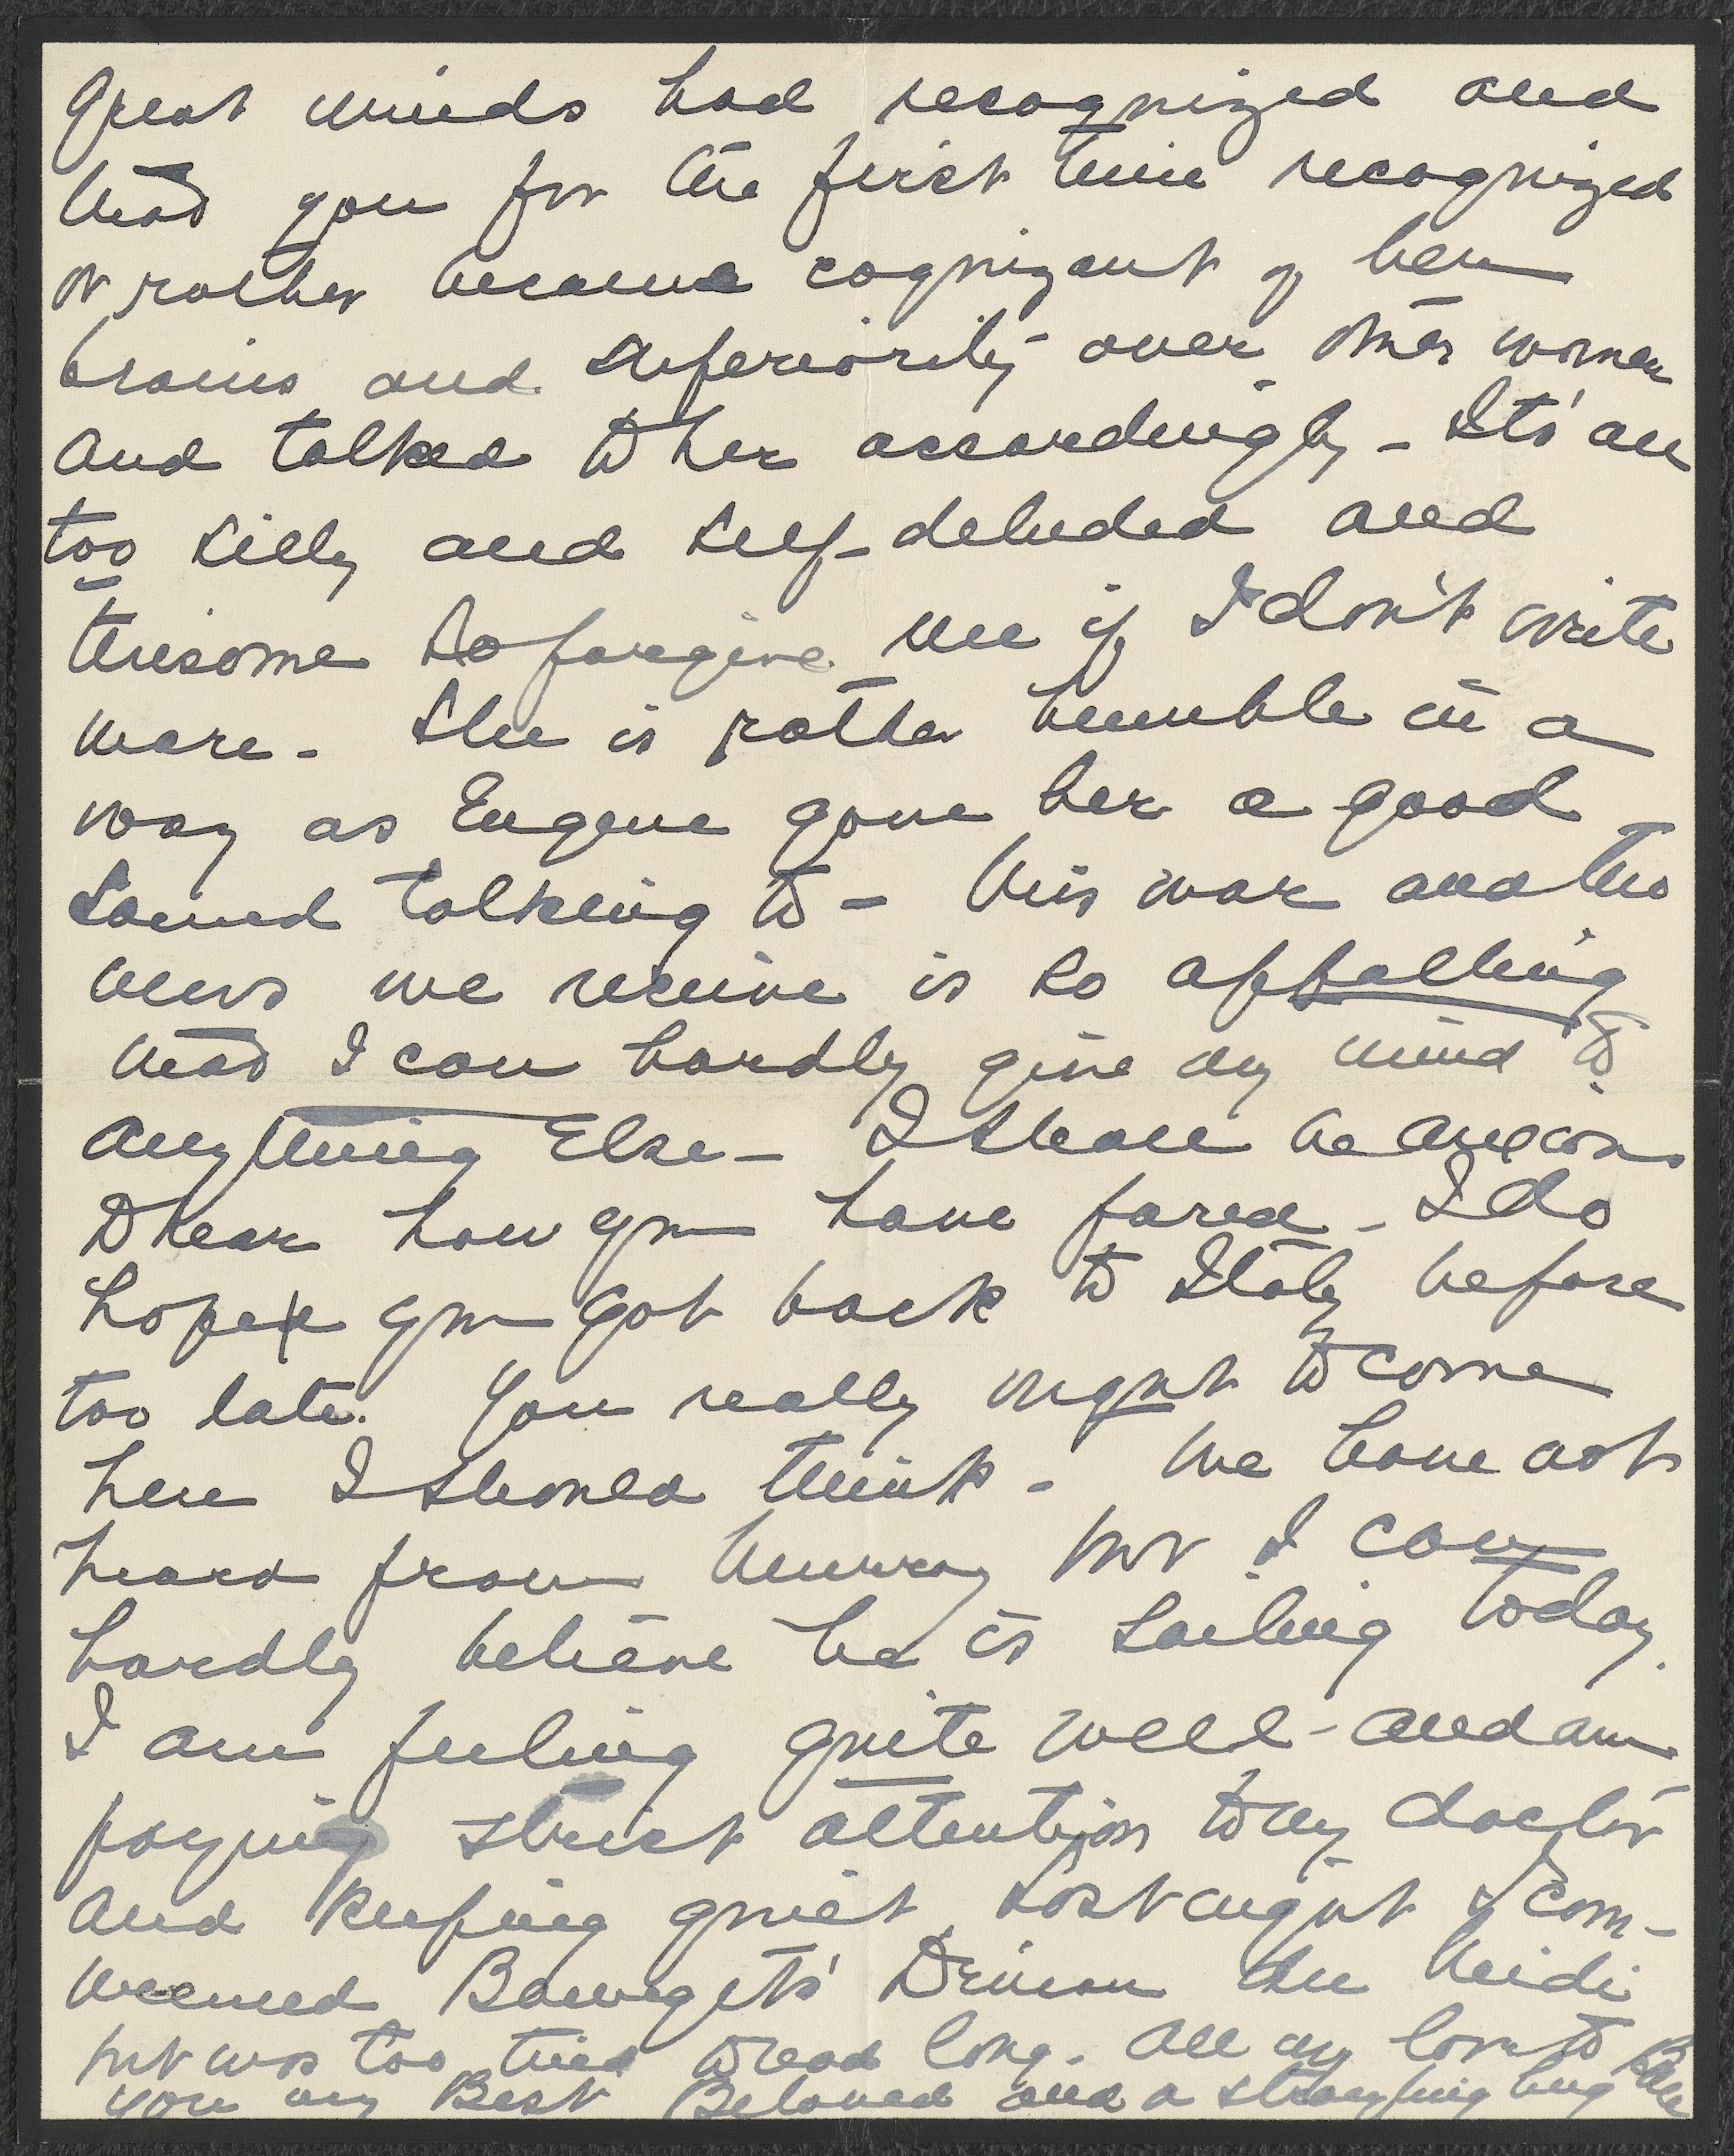great minds had recognized and that you for the first time recognized or rather became cognizant of her brains and superiority over other women and talked to her accordingly – It’s all too silly and self-deluded and tiresome so forgive me if I don’t write more – She is rather humble in a way as Eugene gave her a good sound talking to – this war and the news we receive is so appalling that I can hardly give my mind to anything else – I shall be anxious to hear how you have fared – I do hoped you get back to Italy before too late. You really ought to come here I should think – We have not heard from Murray but I can hardly believe he is sailing today. I am feeling quite well – and am paying strict attention to my doctor and keeping quiet. Last night I commenced Bourget's Demon du Midi but was too tired to read long – All my love to you my Best Beloved and a strangling hug
Belle